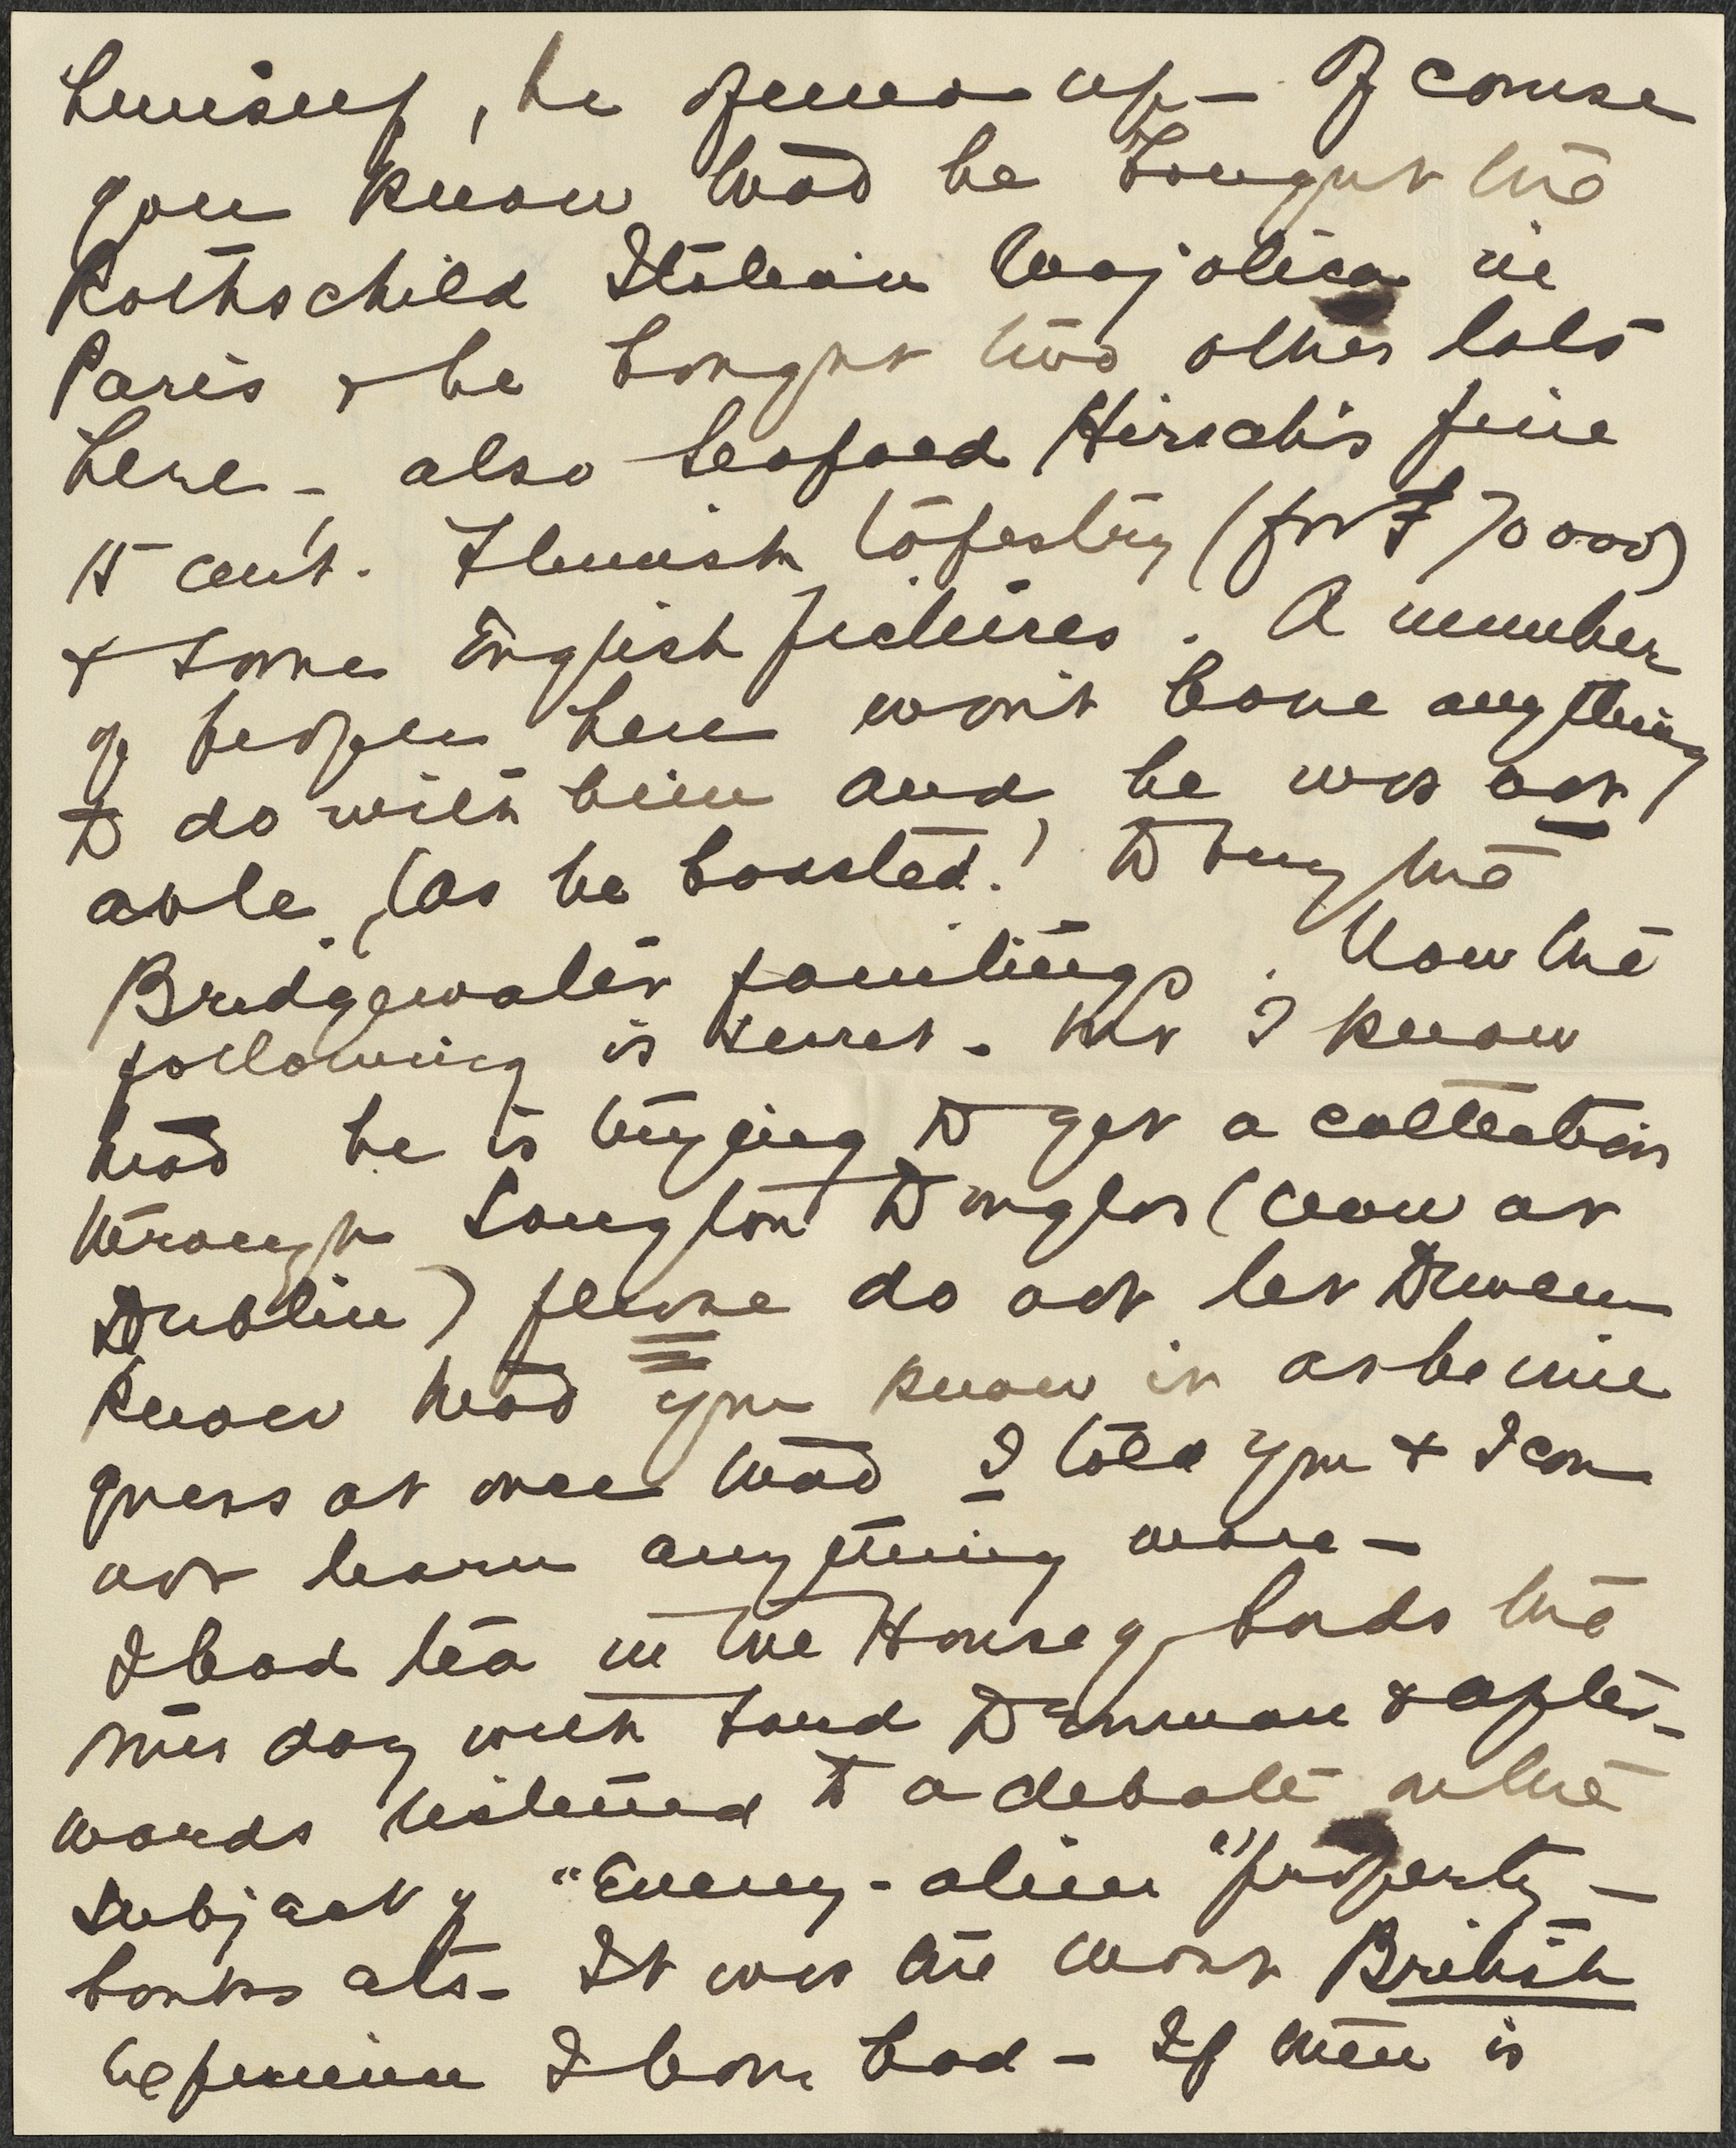himself, he opened up – of course you know that he bought the Rothschild Italian Majolica in Paris & he bought two other lots here – also Leopold Hirsch’s fine 15 cent. Flemish tapestry (for £70000) & some English pictures. A number of people here won’t have anything to do with him and he was not able (as he boasted!) to buy the Bridgewater paintings. Now the following is secret – but I know that he is trying to get a collection through Langton Douglas (now at Dublin) [triple underlined: please] do not let Duveen know that you know it as he will guess at once that I told you & I cannot learn anything more –
I had tea in the House of Lords the other day with Lord Denman & afterwards listened to a debate on the subject of “Every-alien” property – banks etc. It was the most British experience I have had – If there is